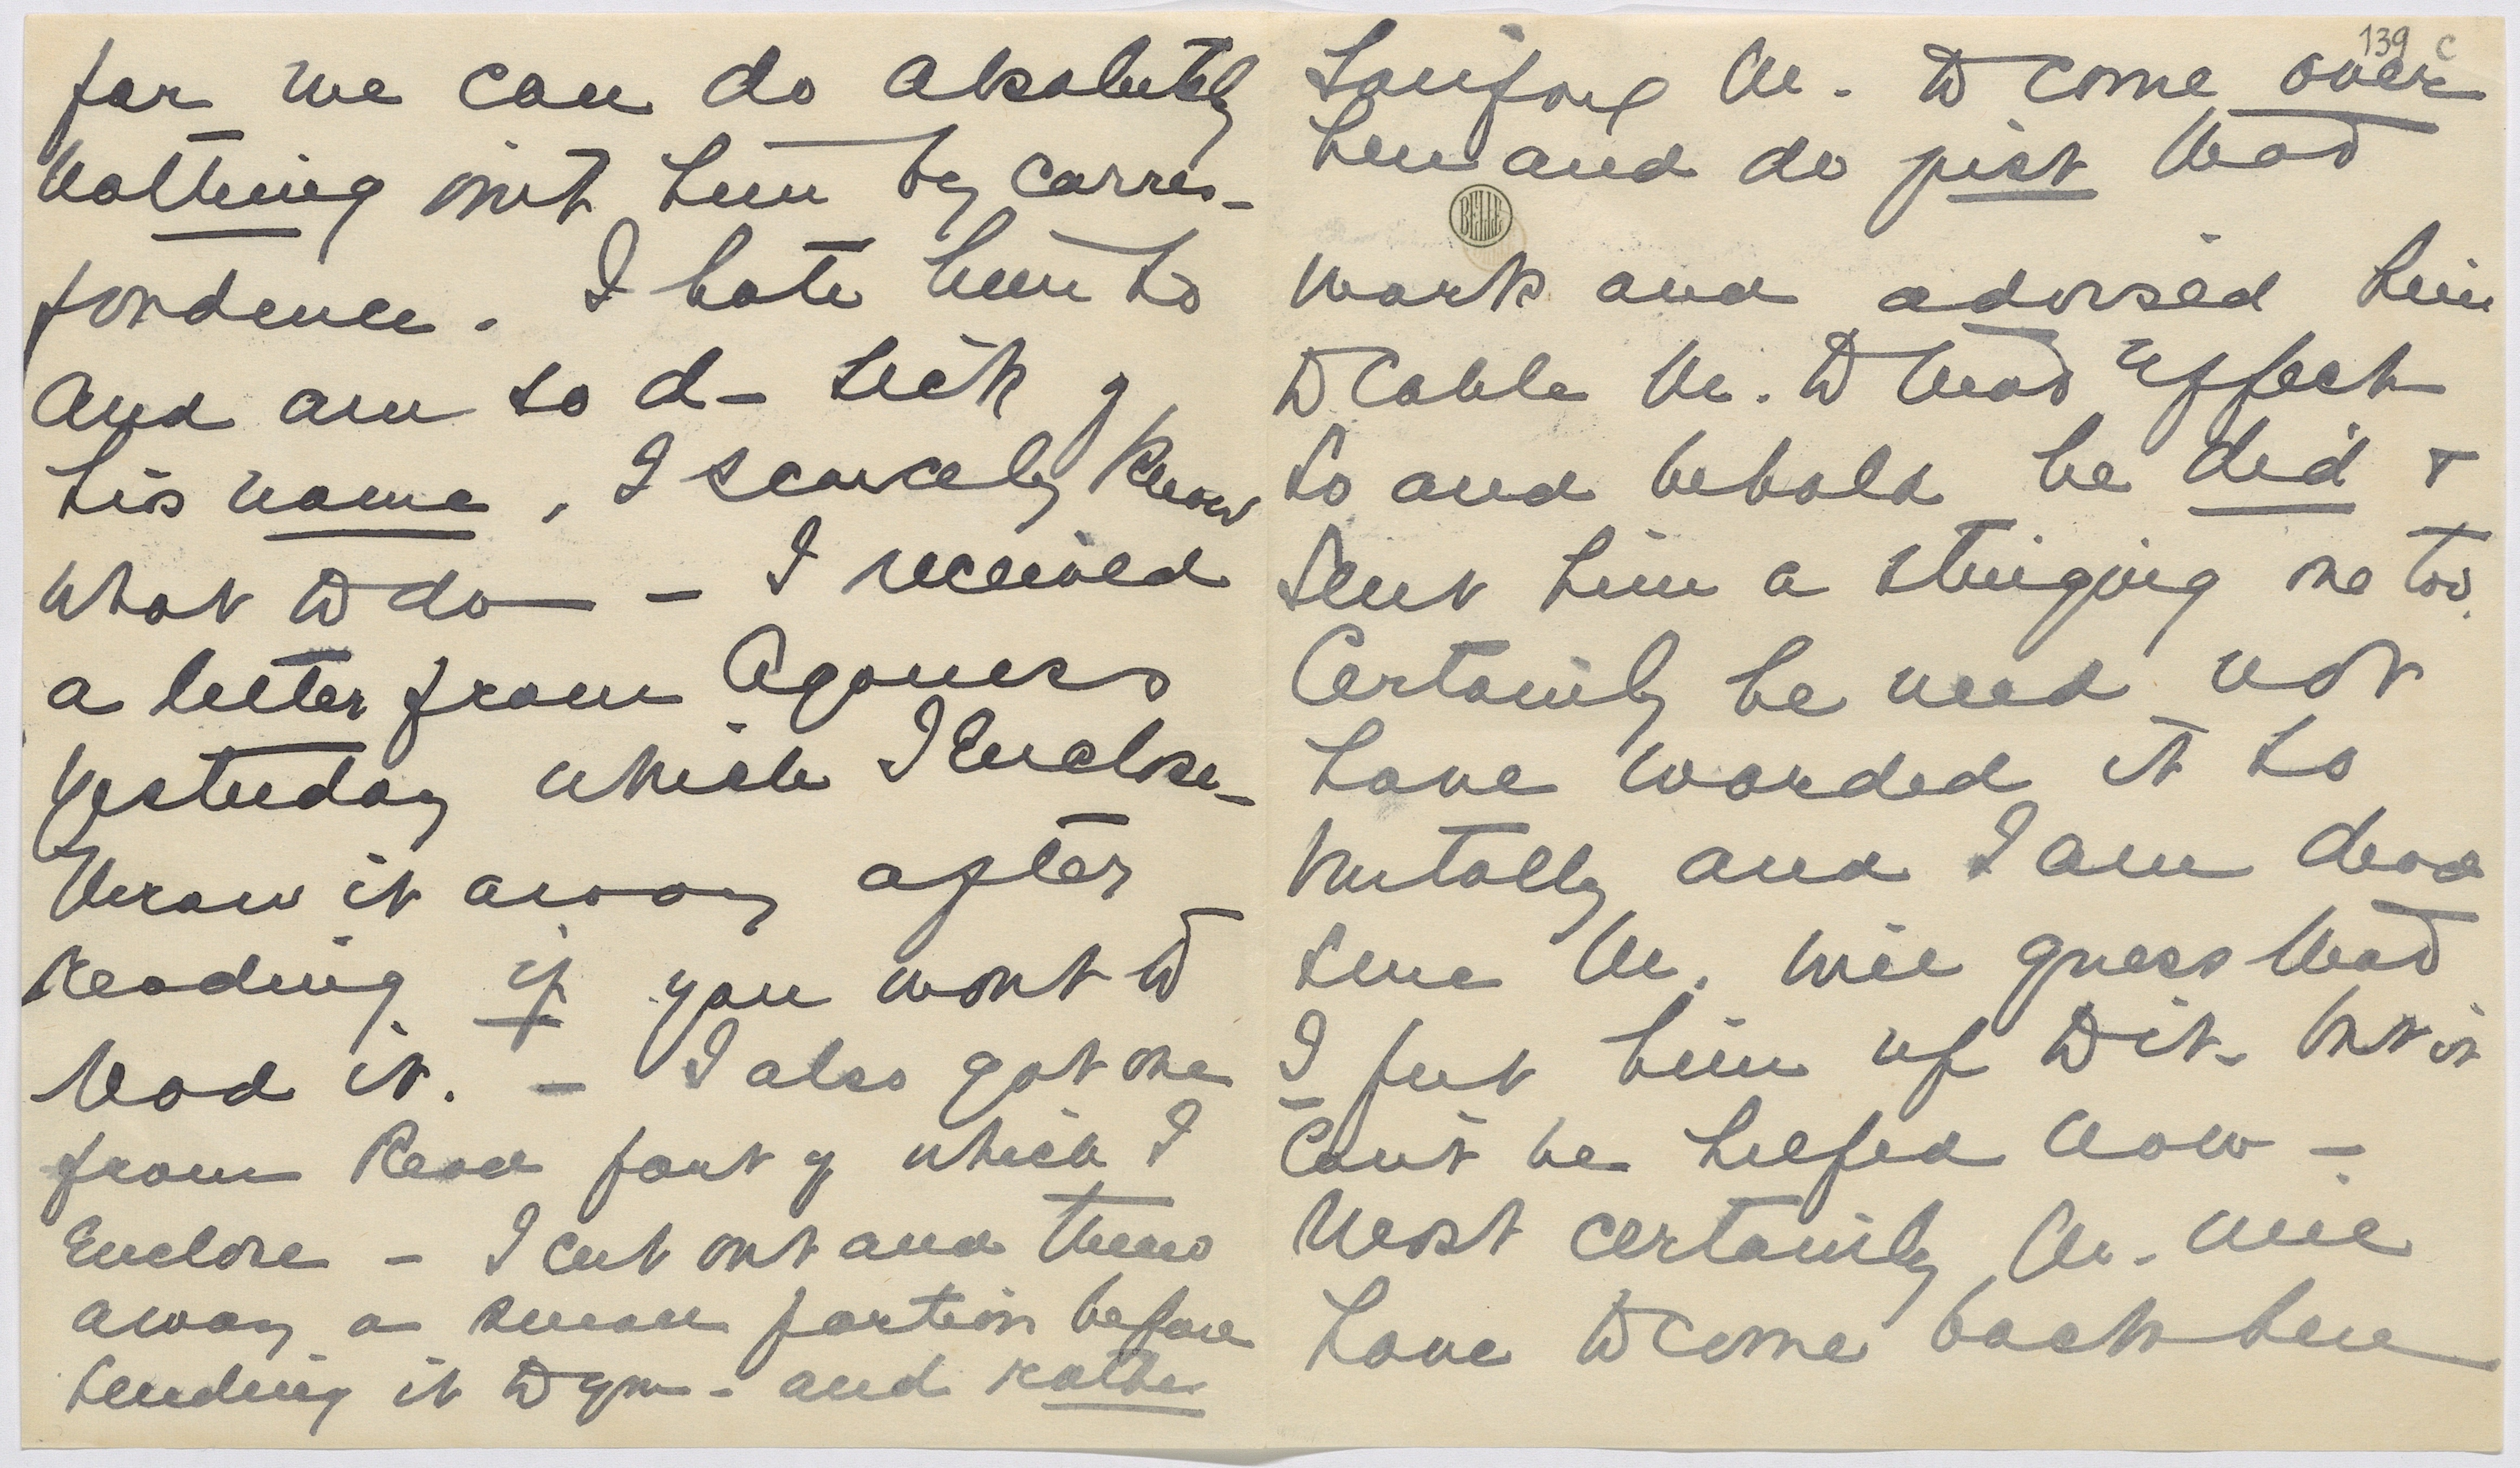Fairfax M. to come over here and do just that work and advised him to cable M. to that effect Lo and behold he did & sent him a stinging one too. Certainly he need not have worded it so brutally and I am dead sure M. will guess that I put him up to it, but it can’t be helped now – most certainly M. will have to come back here
for we can do absolutely nothing with him by correspondence. I hate him so and am so d___ sick of his name, I scarcely know what to do – I received a letter from Agoness yesterday which I enclose – throw it away after reading if you want to read it. – I also got one from Read part of which I enclose – I cut out and threw away a small portion before sending it to you – and rather